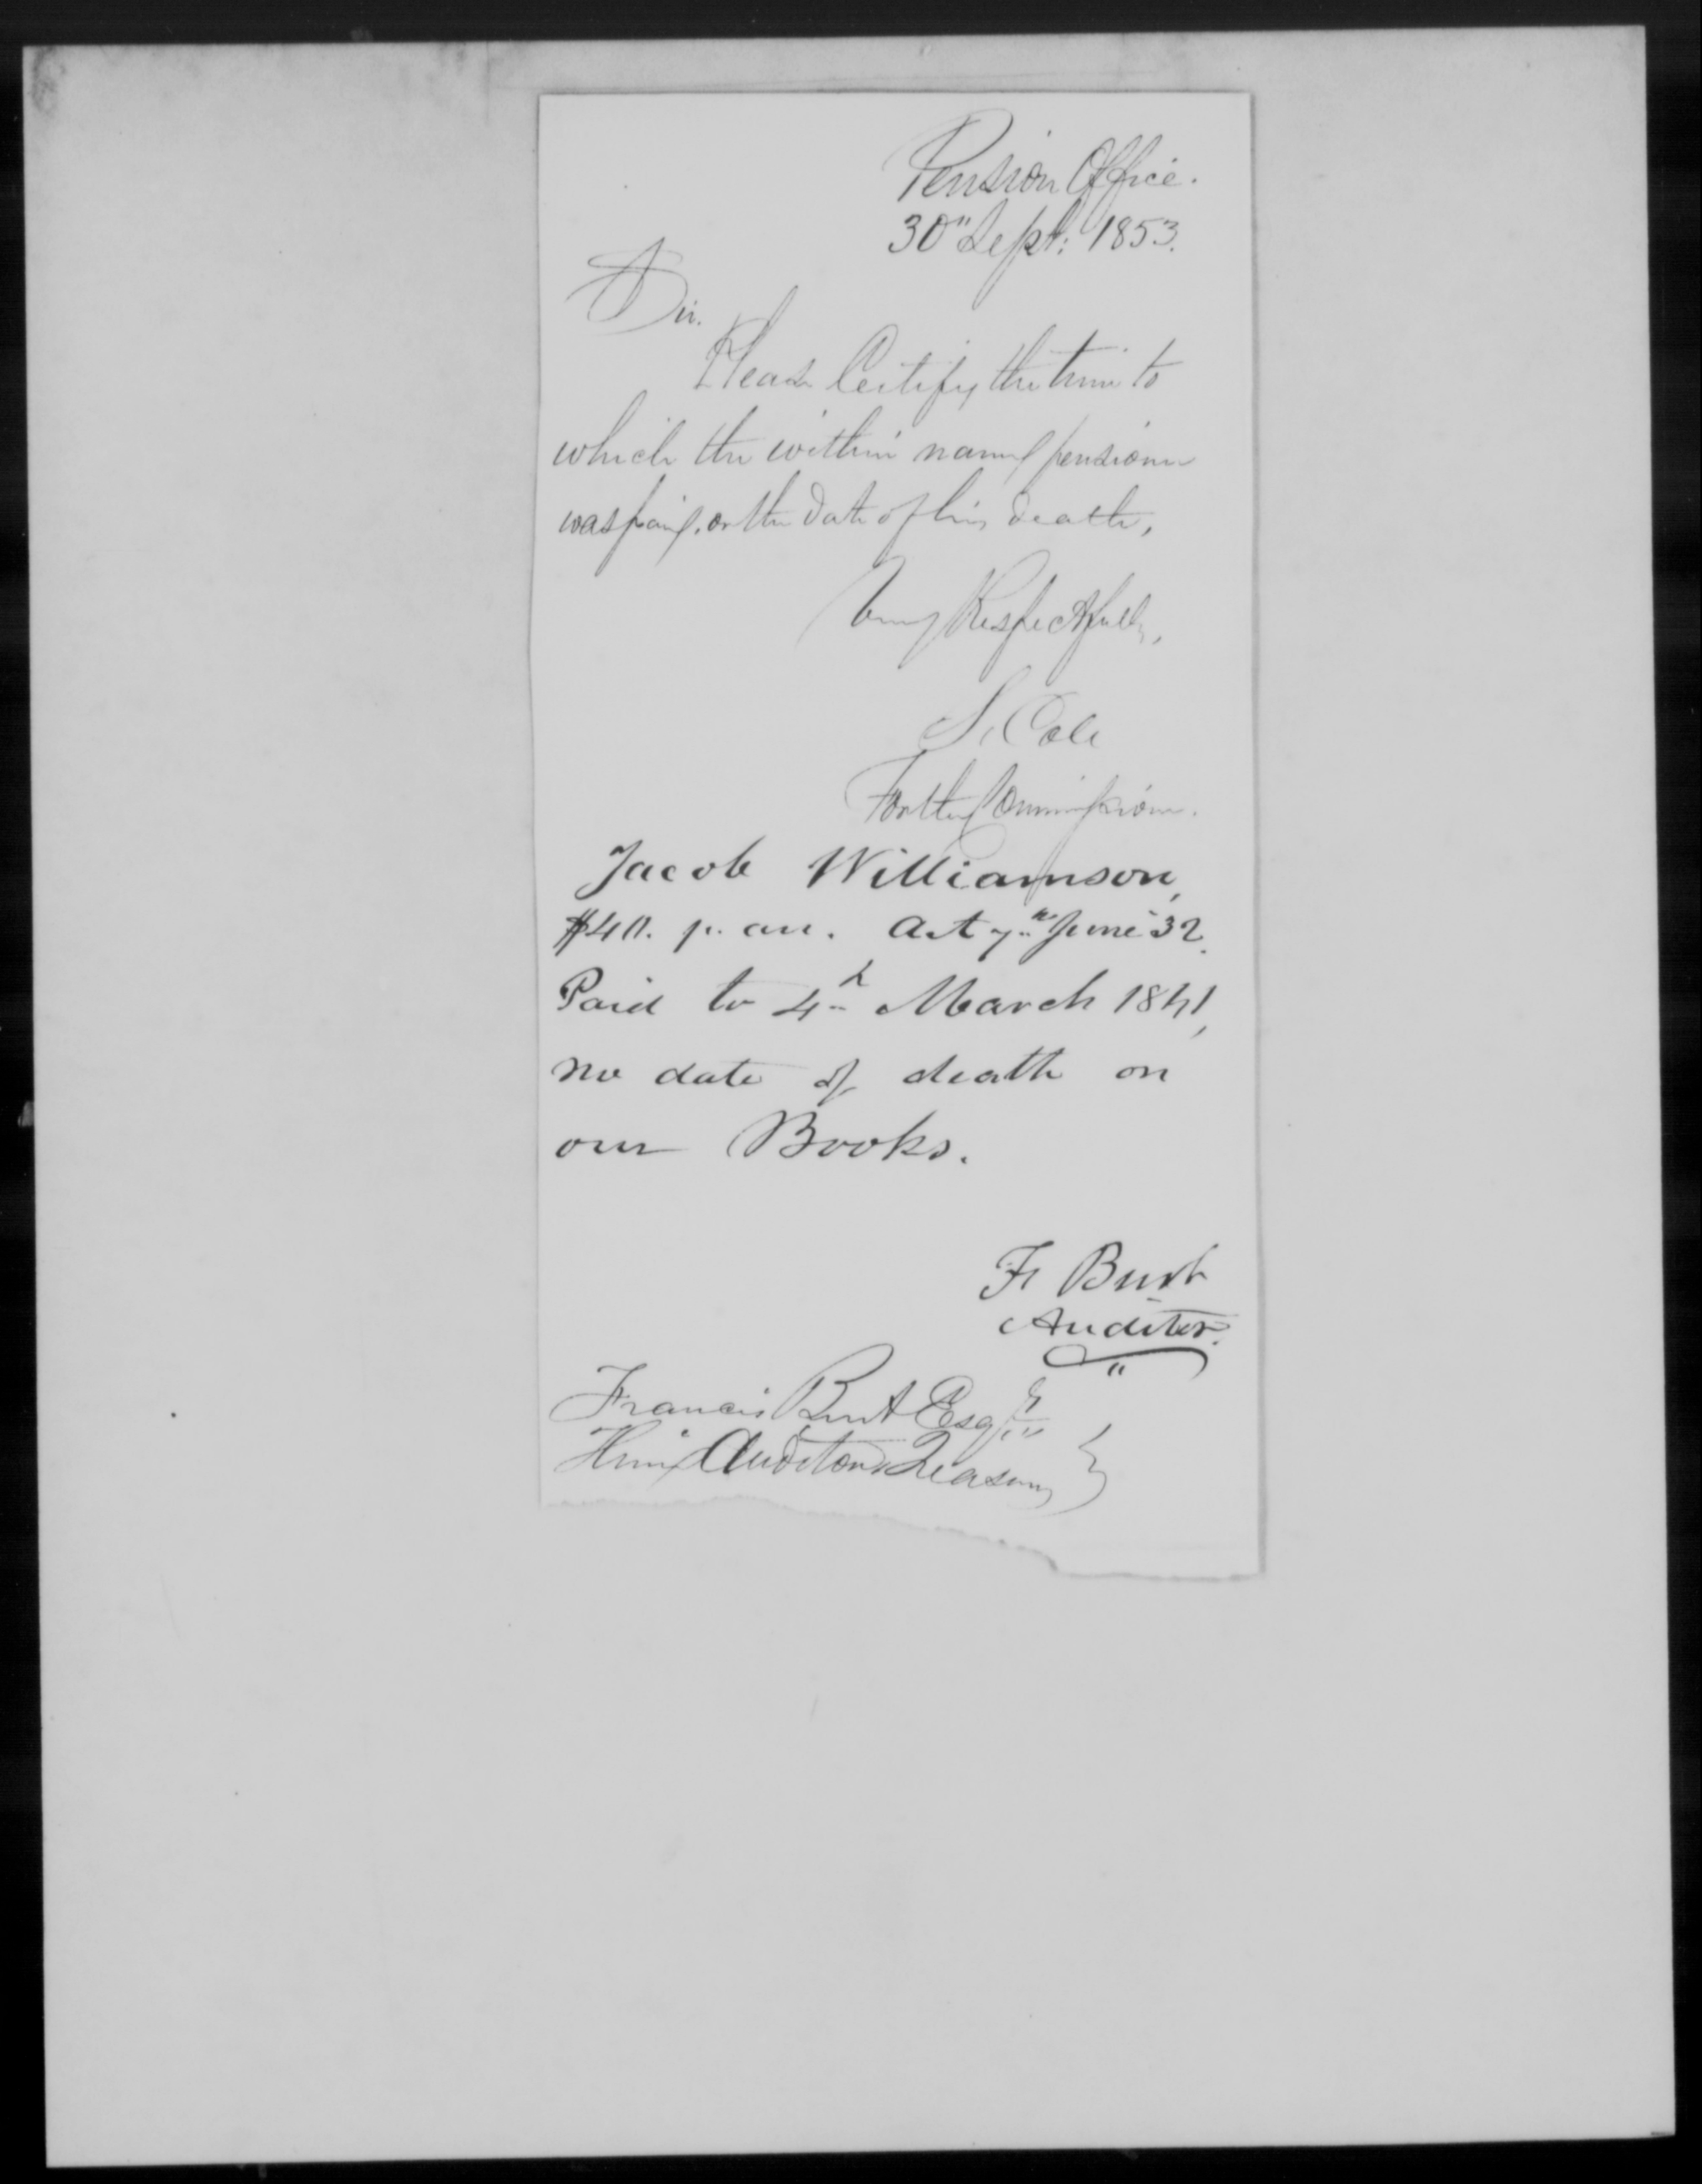Pension Office.
30 Sep. 1853.

Sir,

Please certify the time to which the within named pensioner was paid or the date of his death.

Respectfully,
s/ S. Cole, for the commissioner

Jacob Williamson, $40 per an(num). Act 7th June '32.

Paid to 4th March 1841.
No date of death on our books.

s/ Fr. Burt, Auditor

Francis Burt, Esq.
Third Auditor, Treasury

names: Jacob Williamson, Francis Burt, S Cole, F Bush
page: 45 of 67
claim: widow's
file: W. 2393, Jacob Williamson, New Jersey